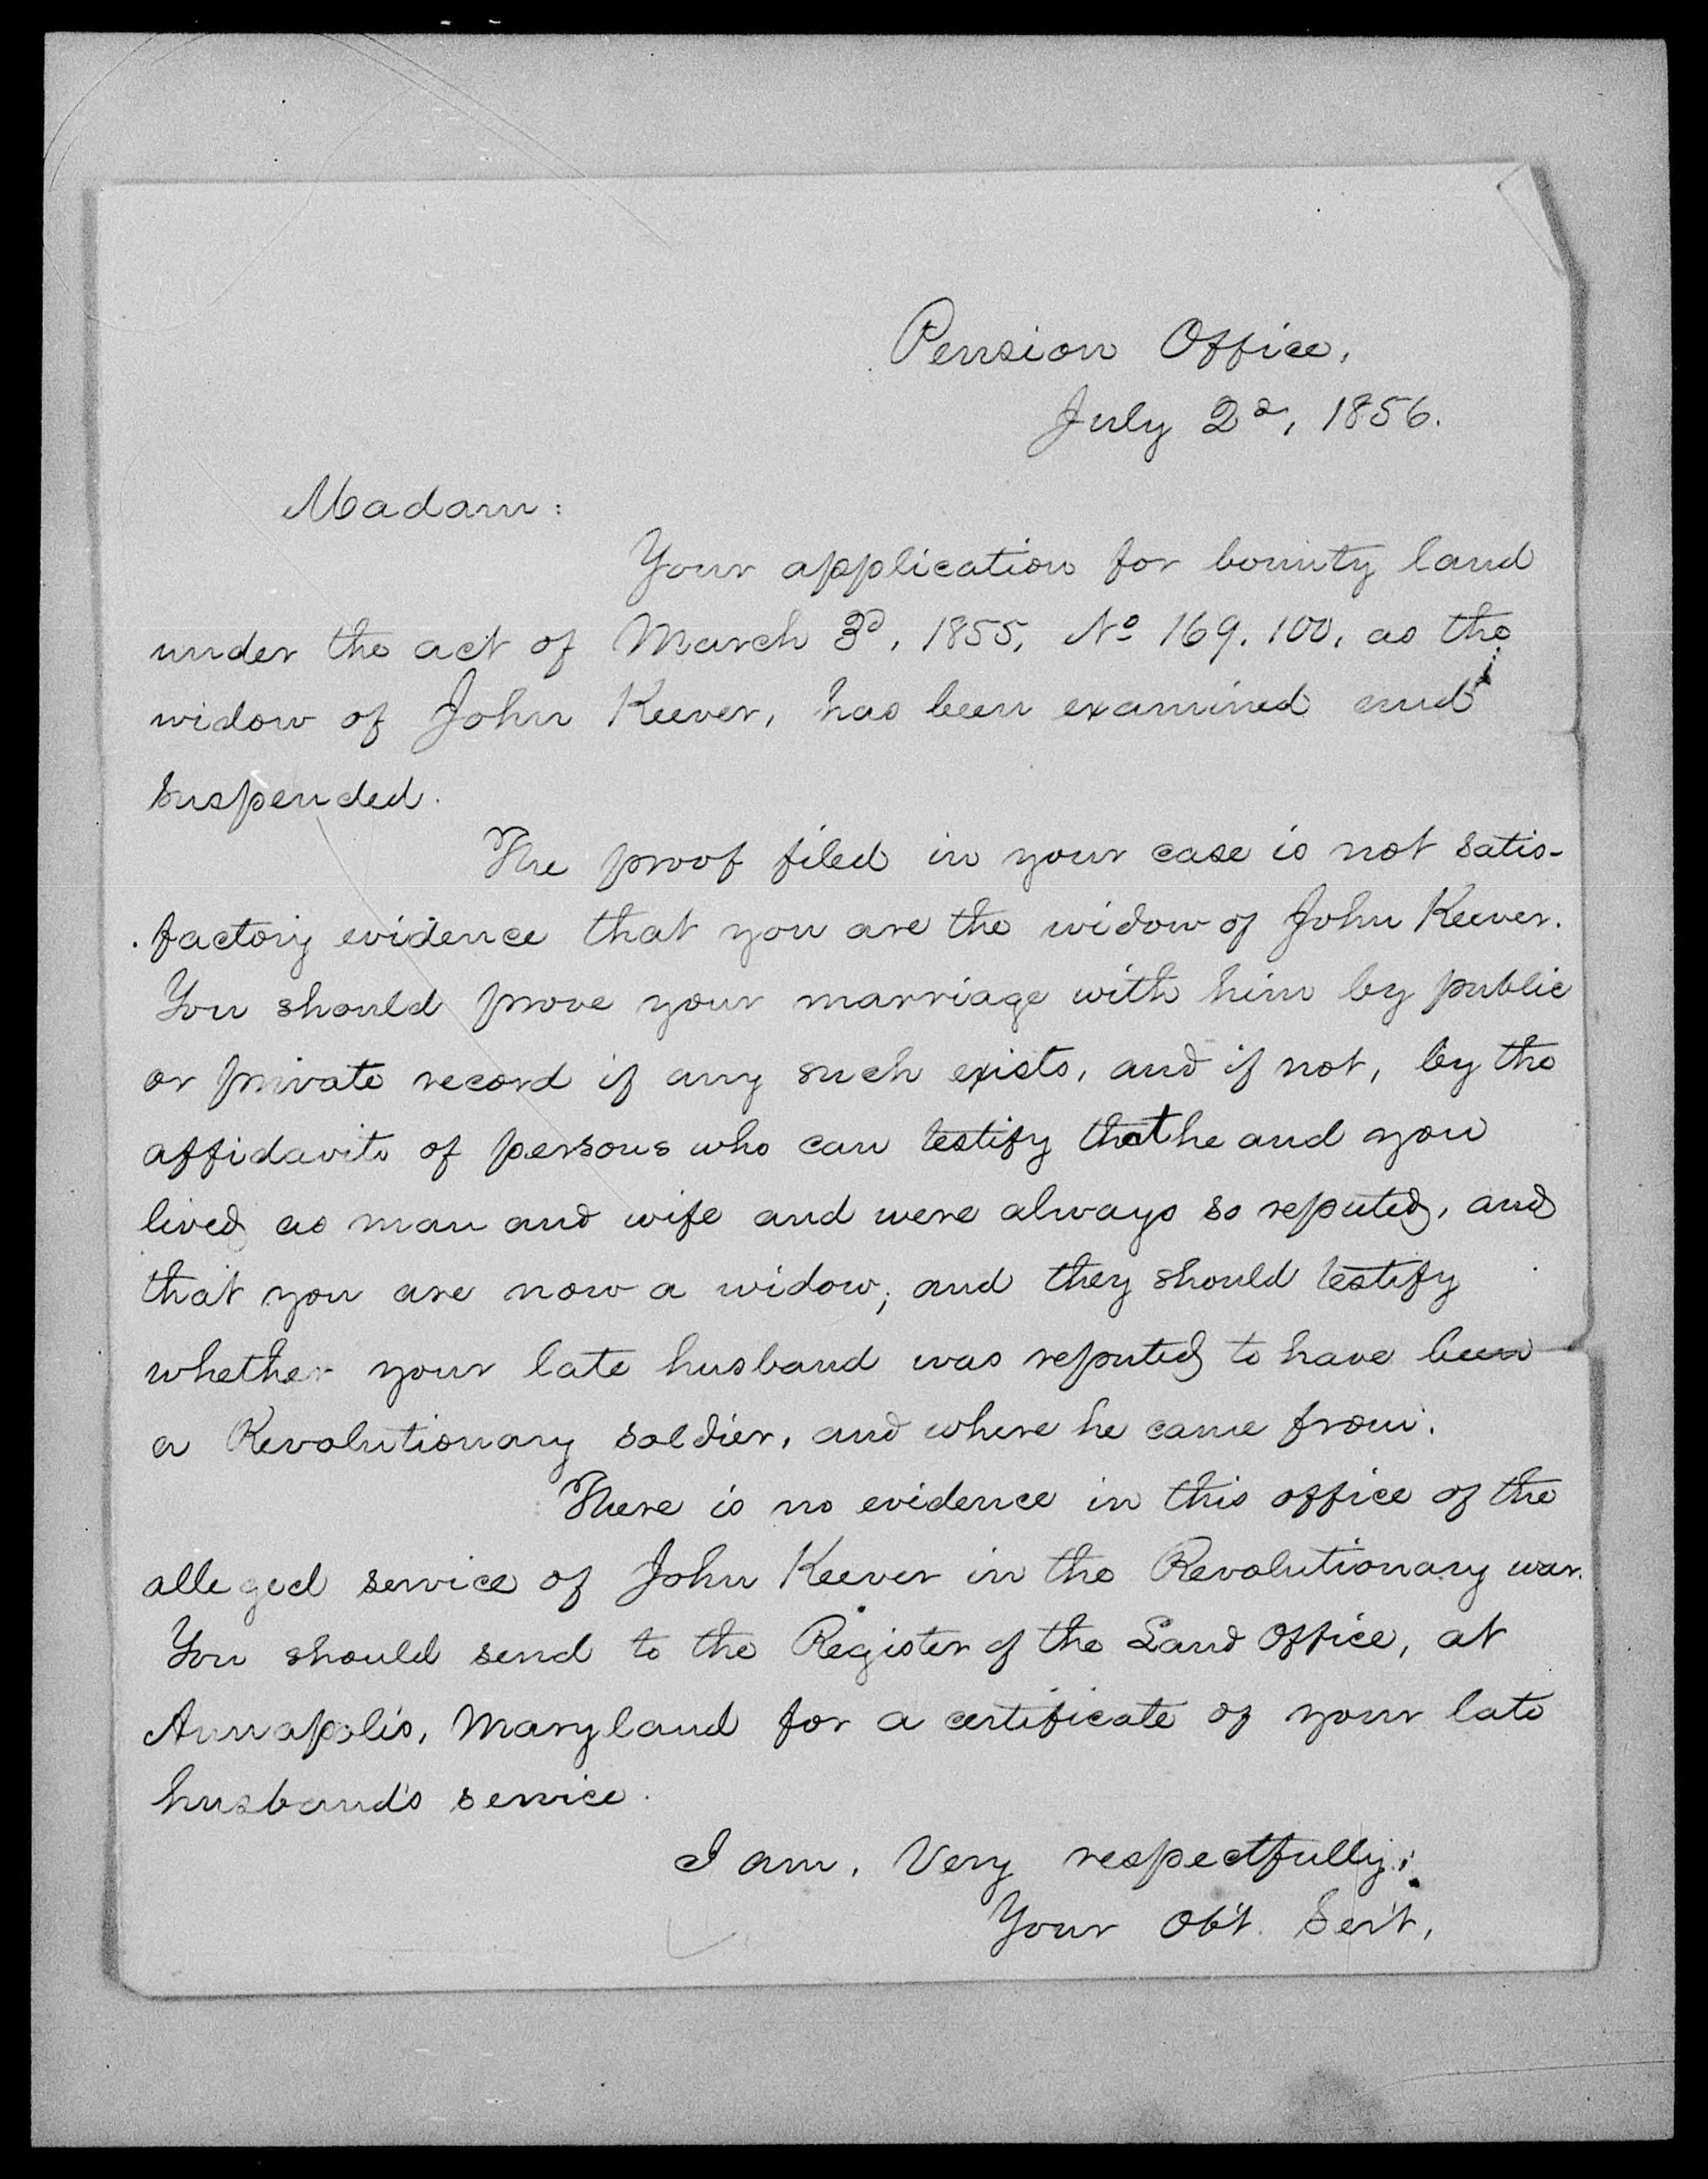Pension Office, 
July 22, 1856. 
Madam:
Your application for bounty land 
under the act of March 3, 1855, No 169.100, as the 
widow of John Keever, has been examined and Suspended 
The proof filed in your case is not satisfactory 
evidence that you are the widow of John Keever  
you should prove your marriage with him by public 
or private record if any such exists, and if not, by the 
affidavits of persons who can testify that he and you 
lived as man and wife and were always so reputed, and 
that you are now a widow; and they should testify 
whether your late husband was reputed to have been 
a Revolutionary soldier, and where he came from. 
There is no evidence in this office of the 
alleged service of John Keever in the Revolutionary war. 
you should send to the Register of the Land Office, at 
Annapolis, Maryland for a certificate of your late husband's service 
I am, Very respectfully 
Your Obt Sert,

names: John Keever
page: 24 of 33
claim: rejected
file: R. 5814, for John Keever, Maryland